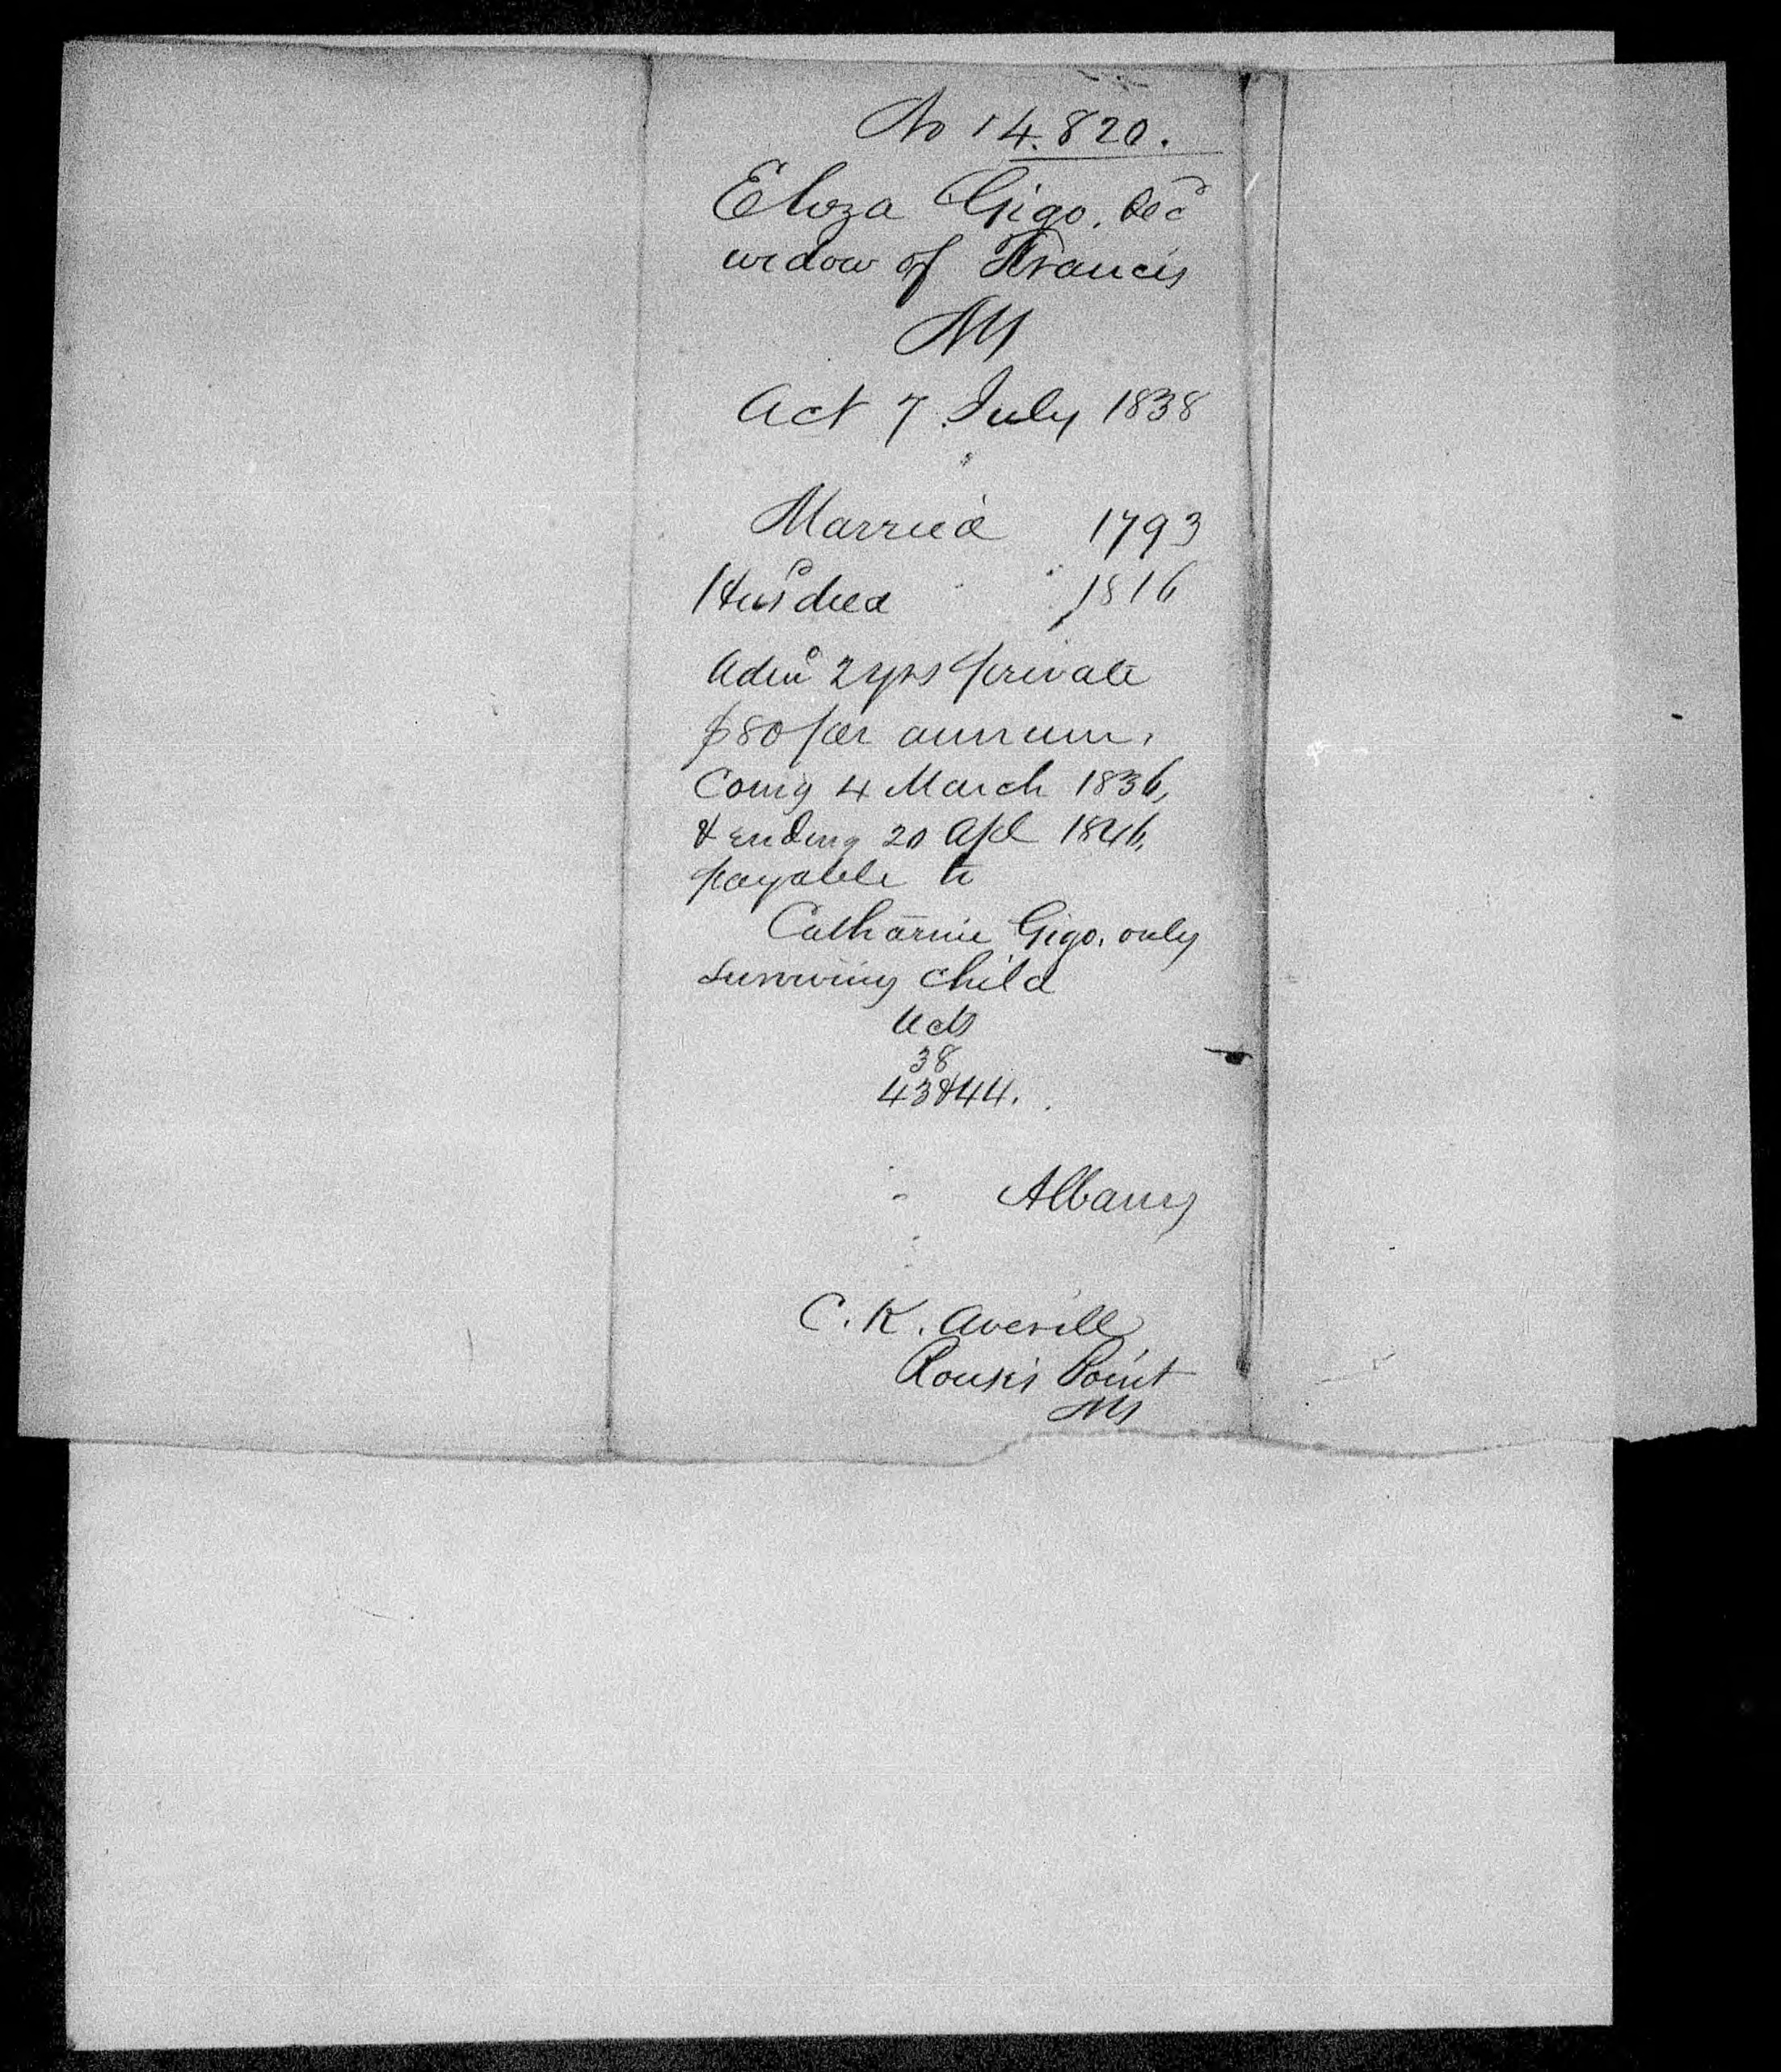No 14.820
Eliza Gigo, Decd
widow of Francis NY
Act 7 July 1838

Married 1793
Husd died 1816
Admd 2 years private $80 per annum
Comg 4 March 1836
& ending 20 Apl 1846
payable to Catharine Gigo, only surviving child
Acts 38  43 & 44
Albany
C. K. Averill Rouse's Point NY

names: Catharine Gigo, Francis Gigo, Eliza Gigo, C K Averill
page: 77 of 98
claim: widow's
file: W. 21182, Francis Gigo, Continental (Canadian)